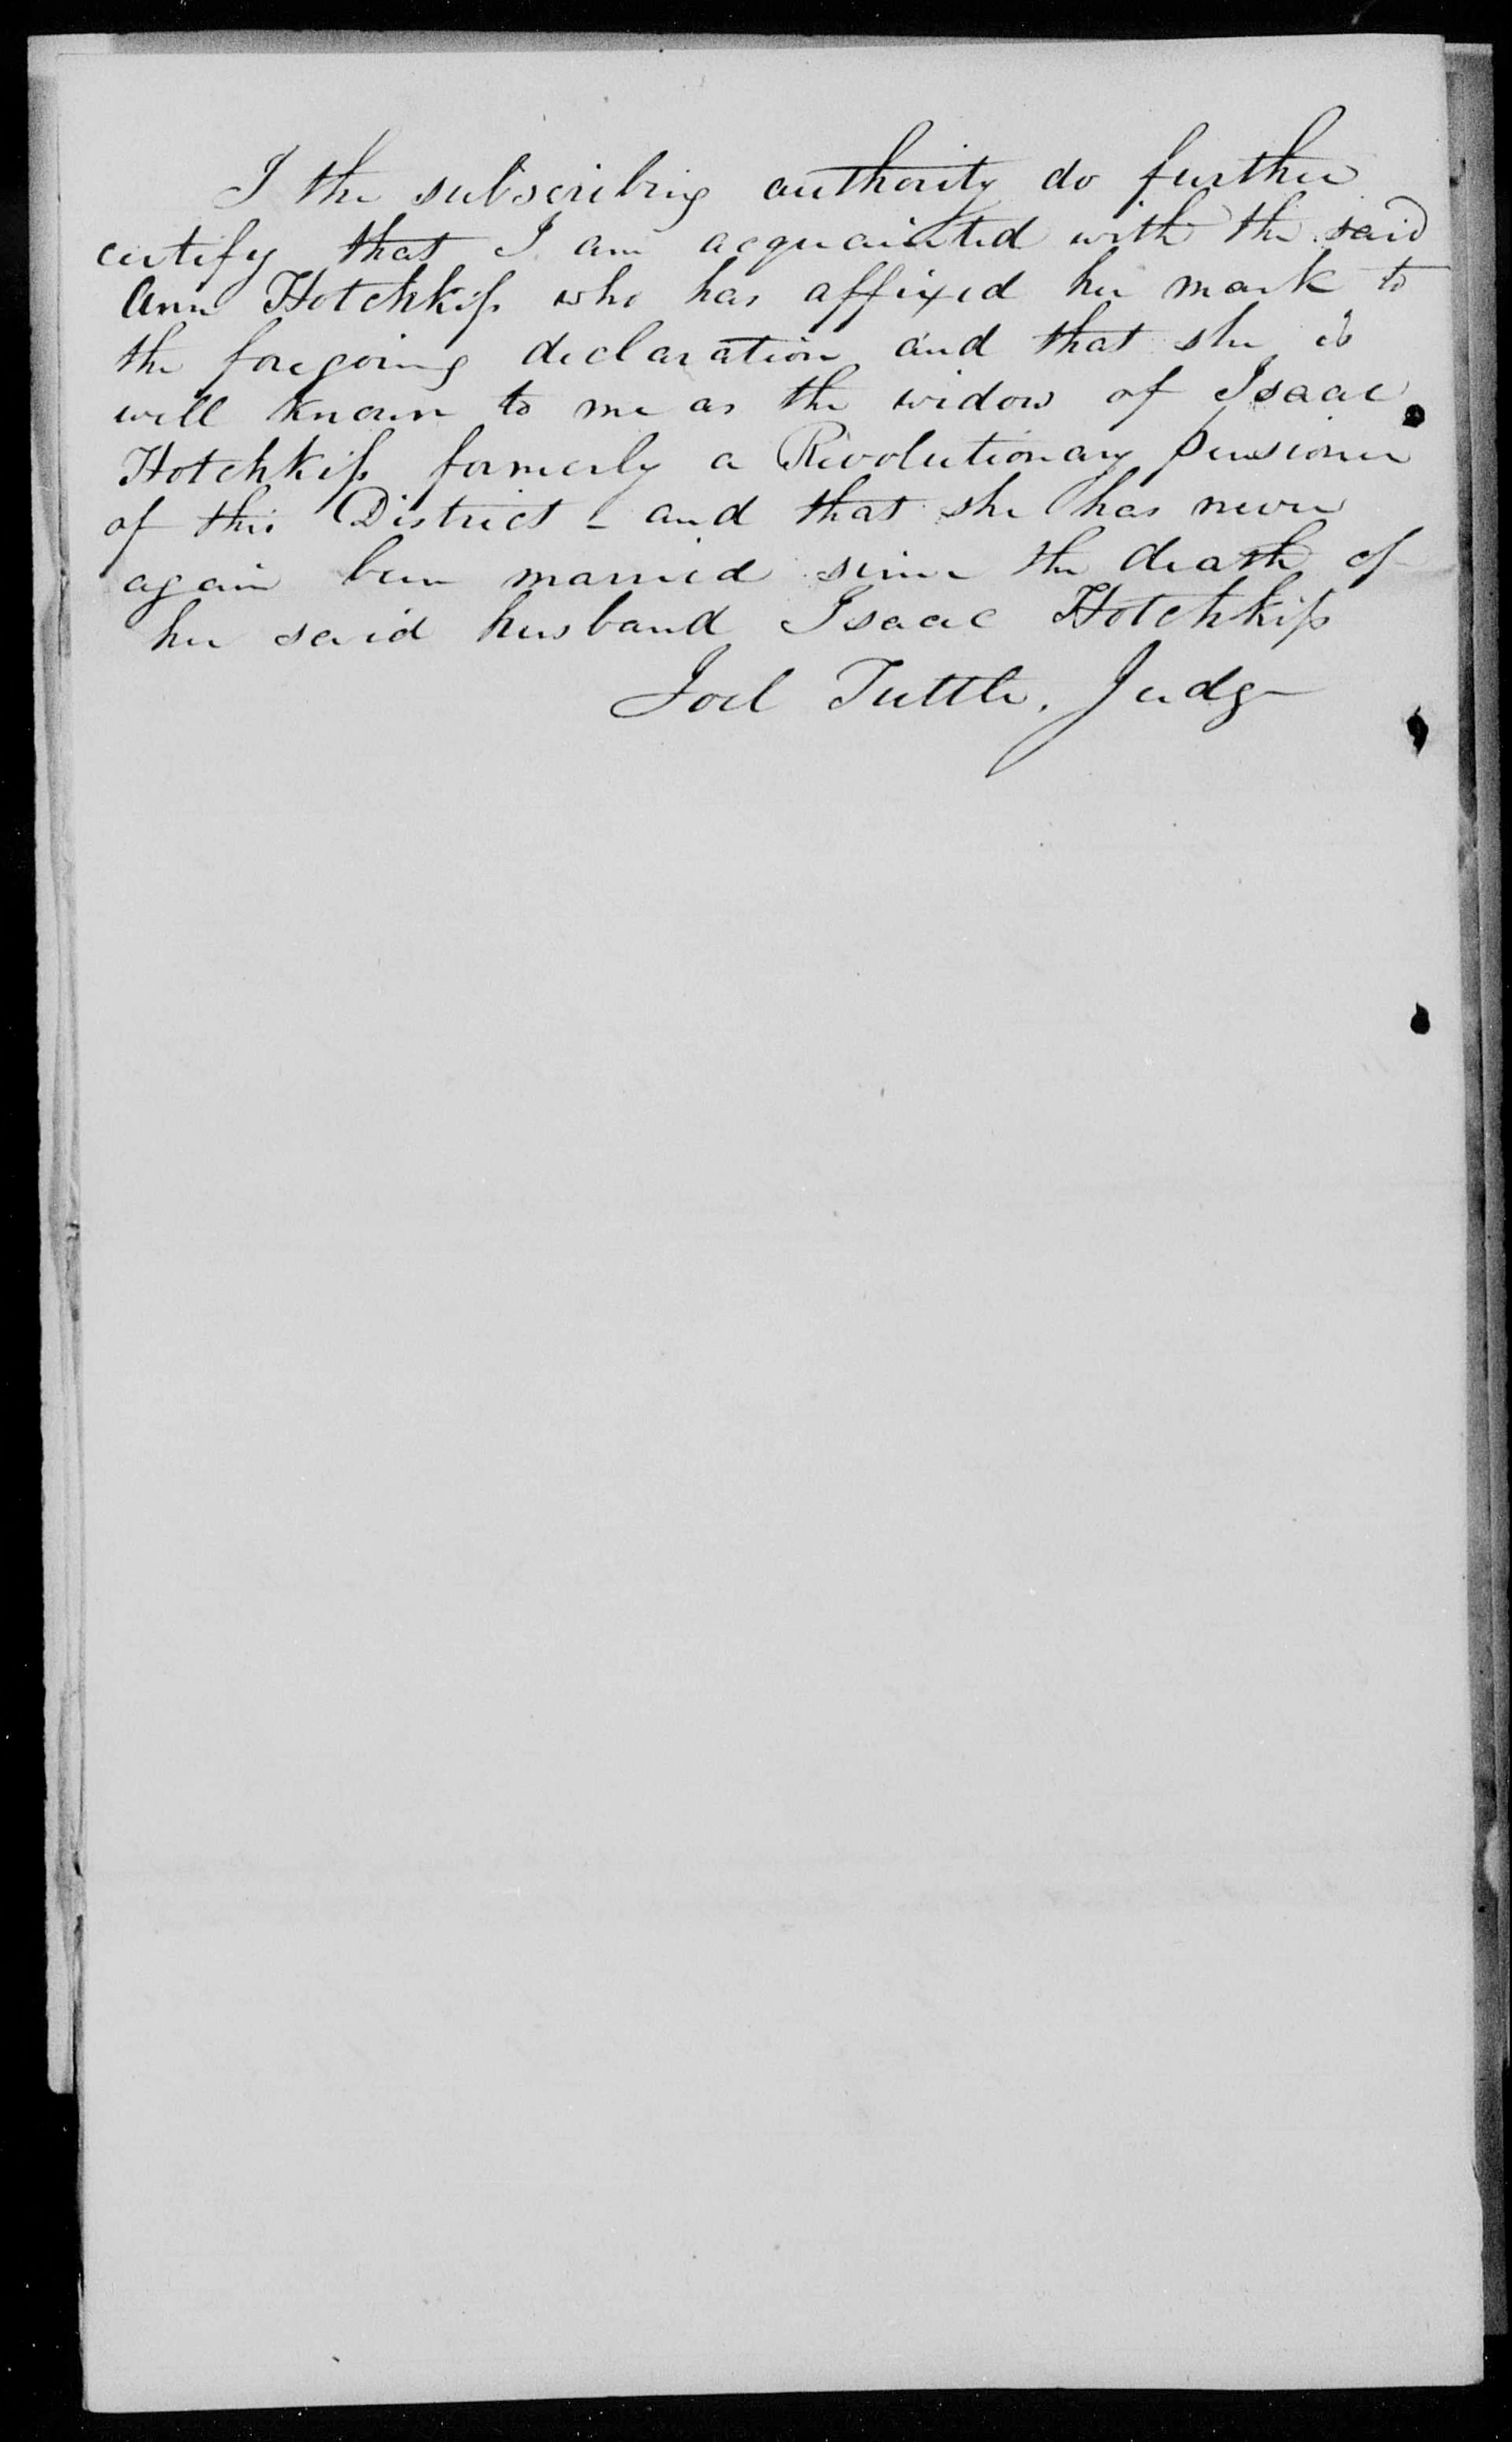I the subscribing authority do further certify that I am acquainted with the said Ann Hotchkiss who has affixed her mark to the foregoing declaration and that she is well known to me as the widow of Isaac Hotchkiss formerly a Revolutionary pensioner of this District and that she has never again been married since the death of her said husband Isaac Hotchkiss.
Joel Tuttle, Judge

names: Ann Hotchkiss, Isaac Hotchkiss, Joel Tuttle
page: 12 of 25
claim: widow's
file: W. 18,021, Isaac Hotchkiss, Conn.